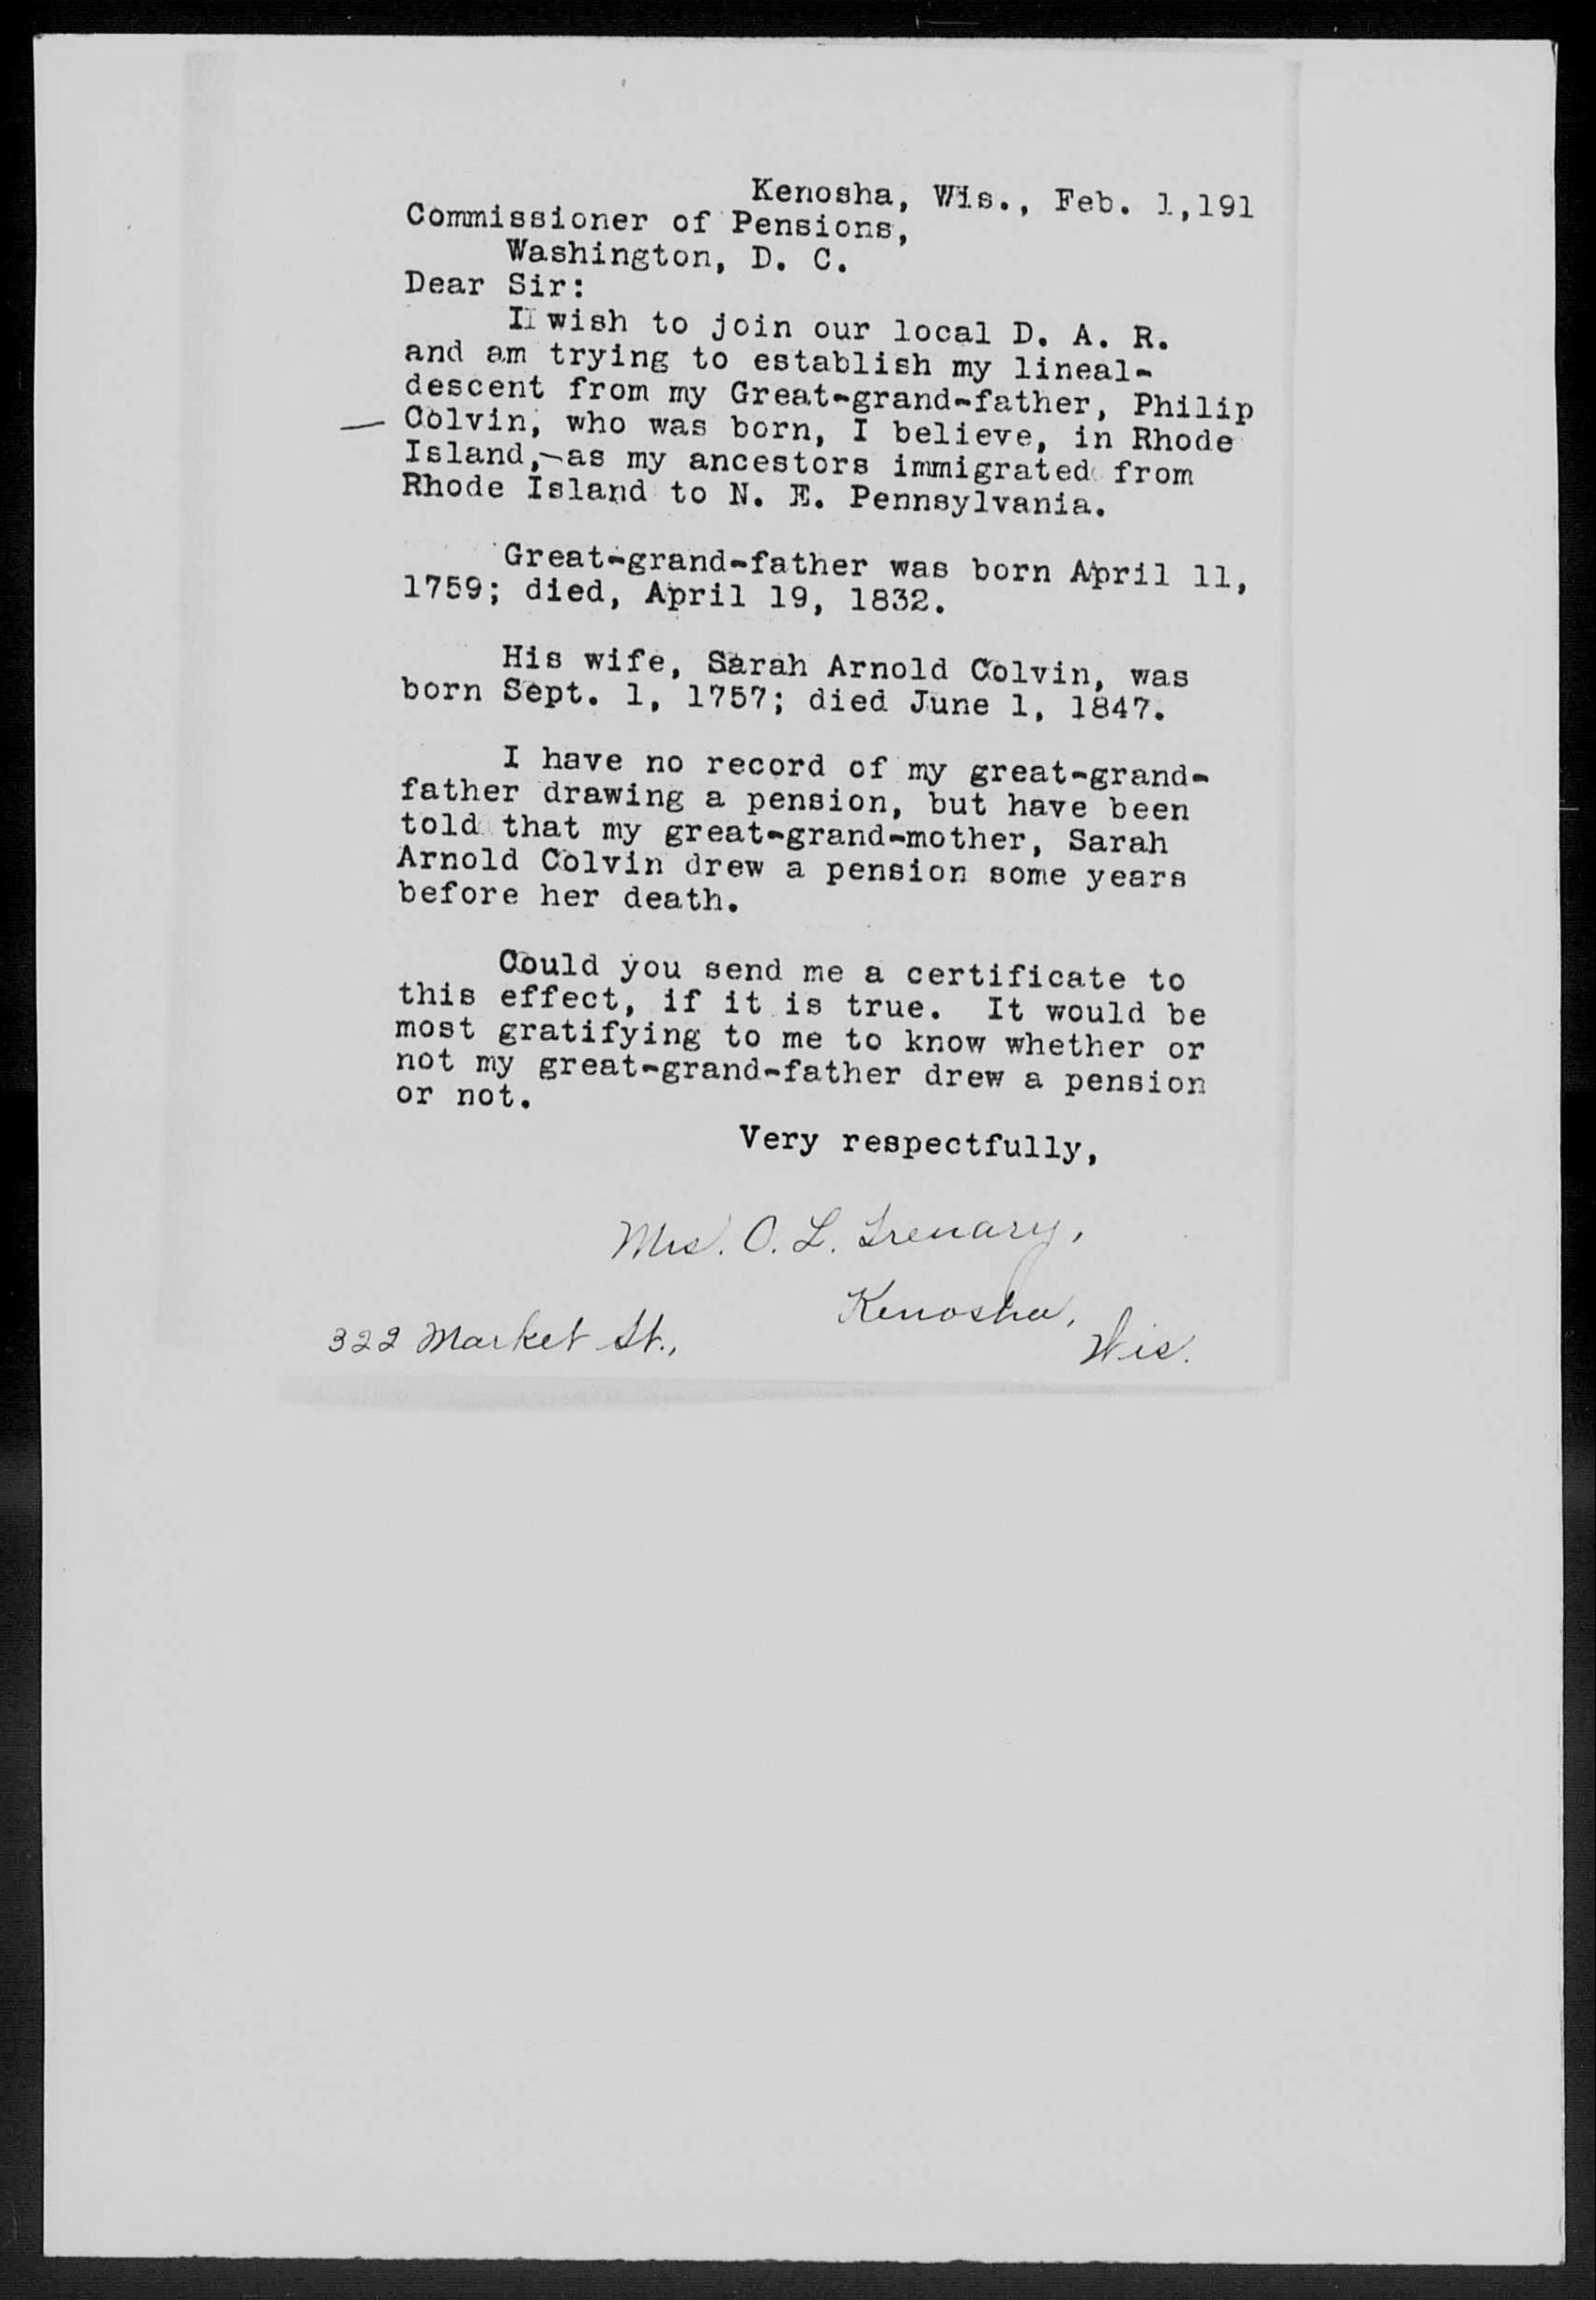Kenosha, Wis., Feb. 1, 191
Commissioner of Pensions,
Washington, D.C.
Dear Sir:
I wish to join our local D.A.R. and am trying to establish my lineal-descent from my Great-grand-father, Philip Colvin, who was born, I believe in Rhode Island, as my ancestors immigrated from Rhode Island to N.E. Pennsylvania.
Great-grand-father was born April 11, 1759; died, April 19, 1832.
His wife, Sarah Arnold Colvin, was born Sept. 1, 1757; died June 1, 1847.
I have no record of my great-grand-father drawing a pension, but have been told that my great-grand-mother, Sarah Arnold Colvin drew a pension some years before her death.
Could you send me a certificate to this effect, if it is true. It would be most gratifying to me to know whether or not my great-grand-father drew a pension or not.
Very respectfully,
Mrs. O.L. Trenary,
322 market St.,
Kenosha, Wis.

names: Philip Colvin, Sarah Arnold Colvin, Sarah Arnold Colvin, O L Trenary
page: 20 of 41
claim: widow's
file: W. 3513, Philip Colvin, R.I.